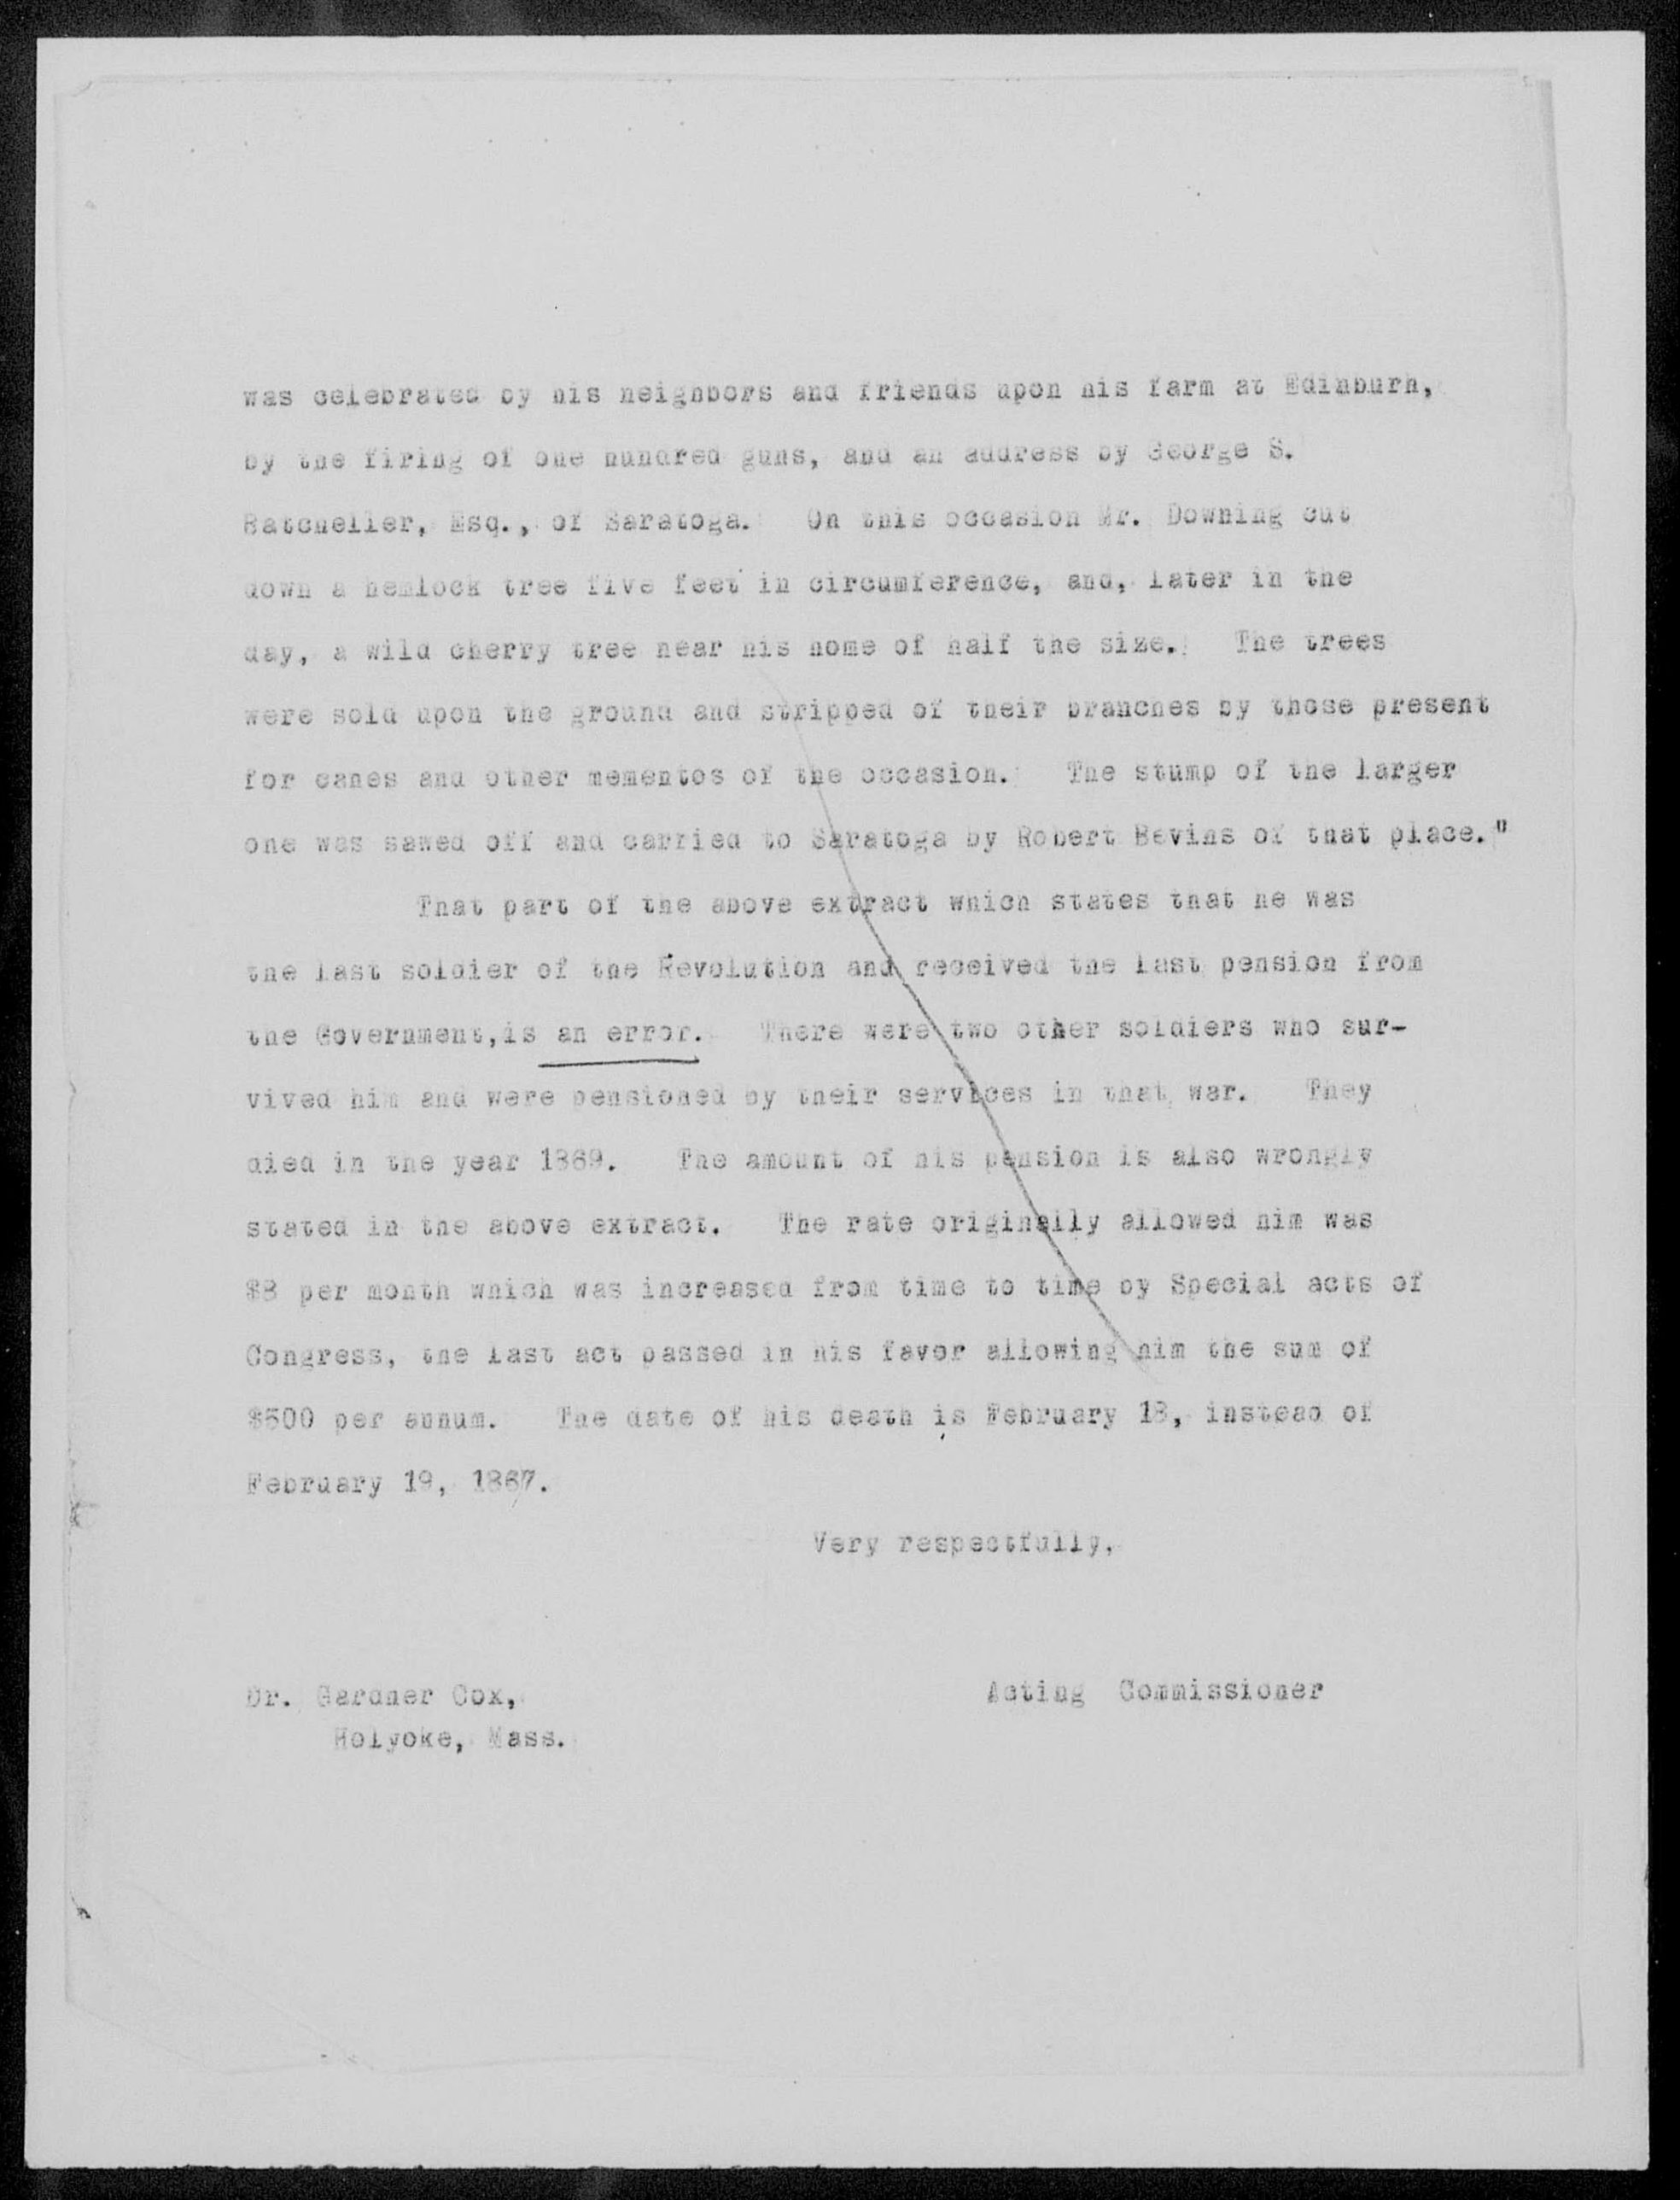was celebrated by his neighbors and friends upon his farm at Edinburgh, by the firing of one hundred guns, and an address by George S. Batcheller, Esq., of Saratoga. On this occasion Mr. Downing cut down a hemlock tree five feet in circumference, and later in the day, a wild cherry tree near his home of half the size. The trees were sold upon the ground and stripped of their branches by those present for canes and other mementos of the occasion. The stump of the larger one was sawed off and carried to Saratoga by Robert Bevins of that place.”
That part of the above extract which states that he was the last soldier of the Revolution and received the last pension from the Government, is an error. There were two other soldiers who survived him and were pensioned by their services in that war. They died in the year 1869. The amount his pension is also wrongly stated in the above extract. The rate originally allowed his was $8 per month which was increased from time to time by Special acts of Congress, the last act passed in his favor allowing him the sum of $500 per annum. The date of his death is February 18, instead of February 19, 1867.
 Very respectfully,
Dr. Gardner Cox,       Acting Commissioner 
Holyoke, Mass.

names: George S Batcheller, Downing, Robert Bevins, Gardner Cox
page: 25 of 56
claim: survivor's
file: S. 40,055, Samuel Downing, N.H.